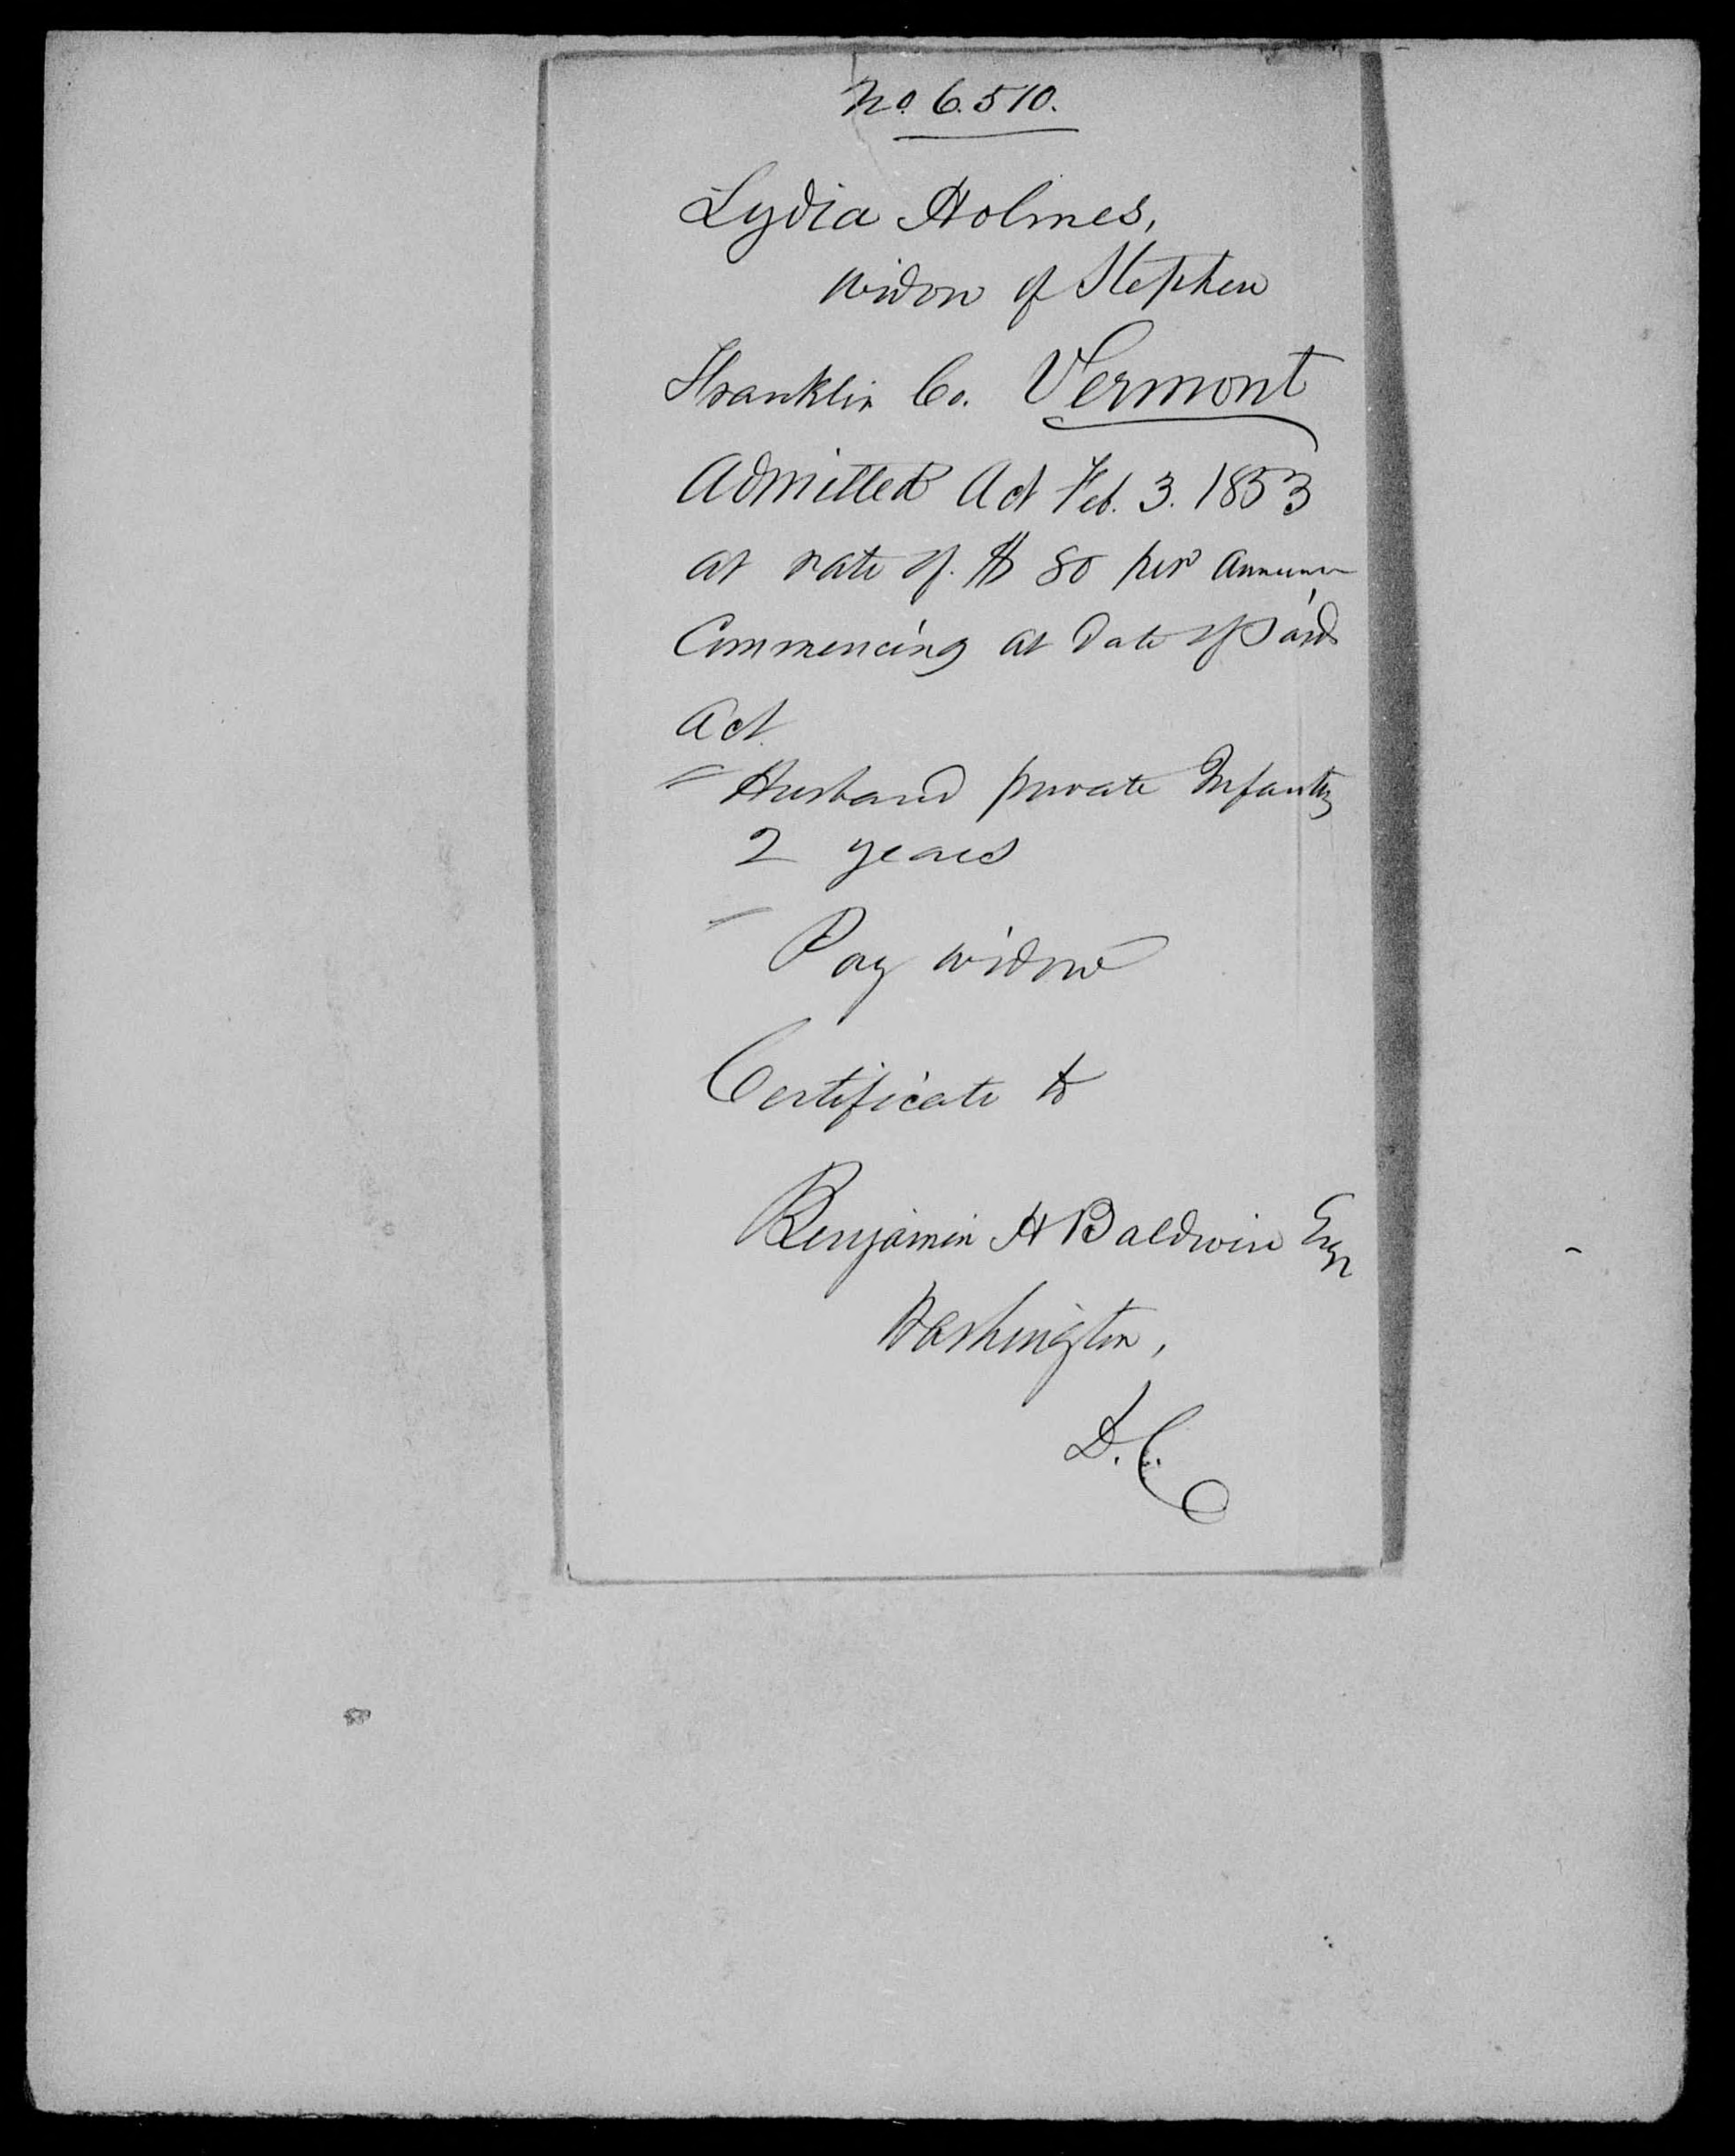No. 6510

Lydia Holmes, widow of Stephen

Franklin Co. Vermont

Admitted Act Feb 3. 1853 at rate of $80 per annum
Commencing at date of said Act

- Husband private Infantry 2 years
- Pay widow Certificate K

Benjamin H Baldwin Esqr
Washington, D.C.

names: Lydia Holmes, Stephen Holmes, Benjamin H Baldwin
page: 28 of 72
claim: widow's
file: W. 7771, Stephen Holmes, Vt.